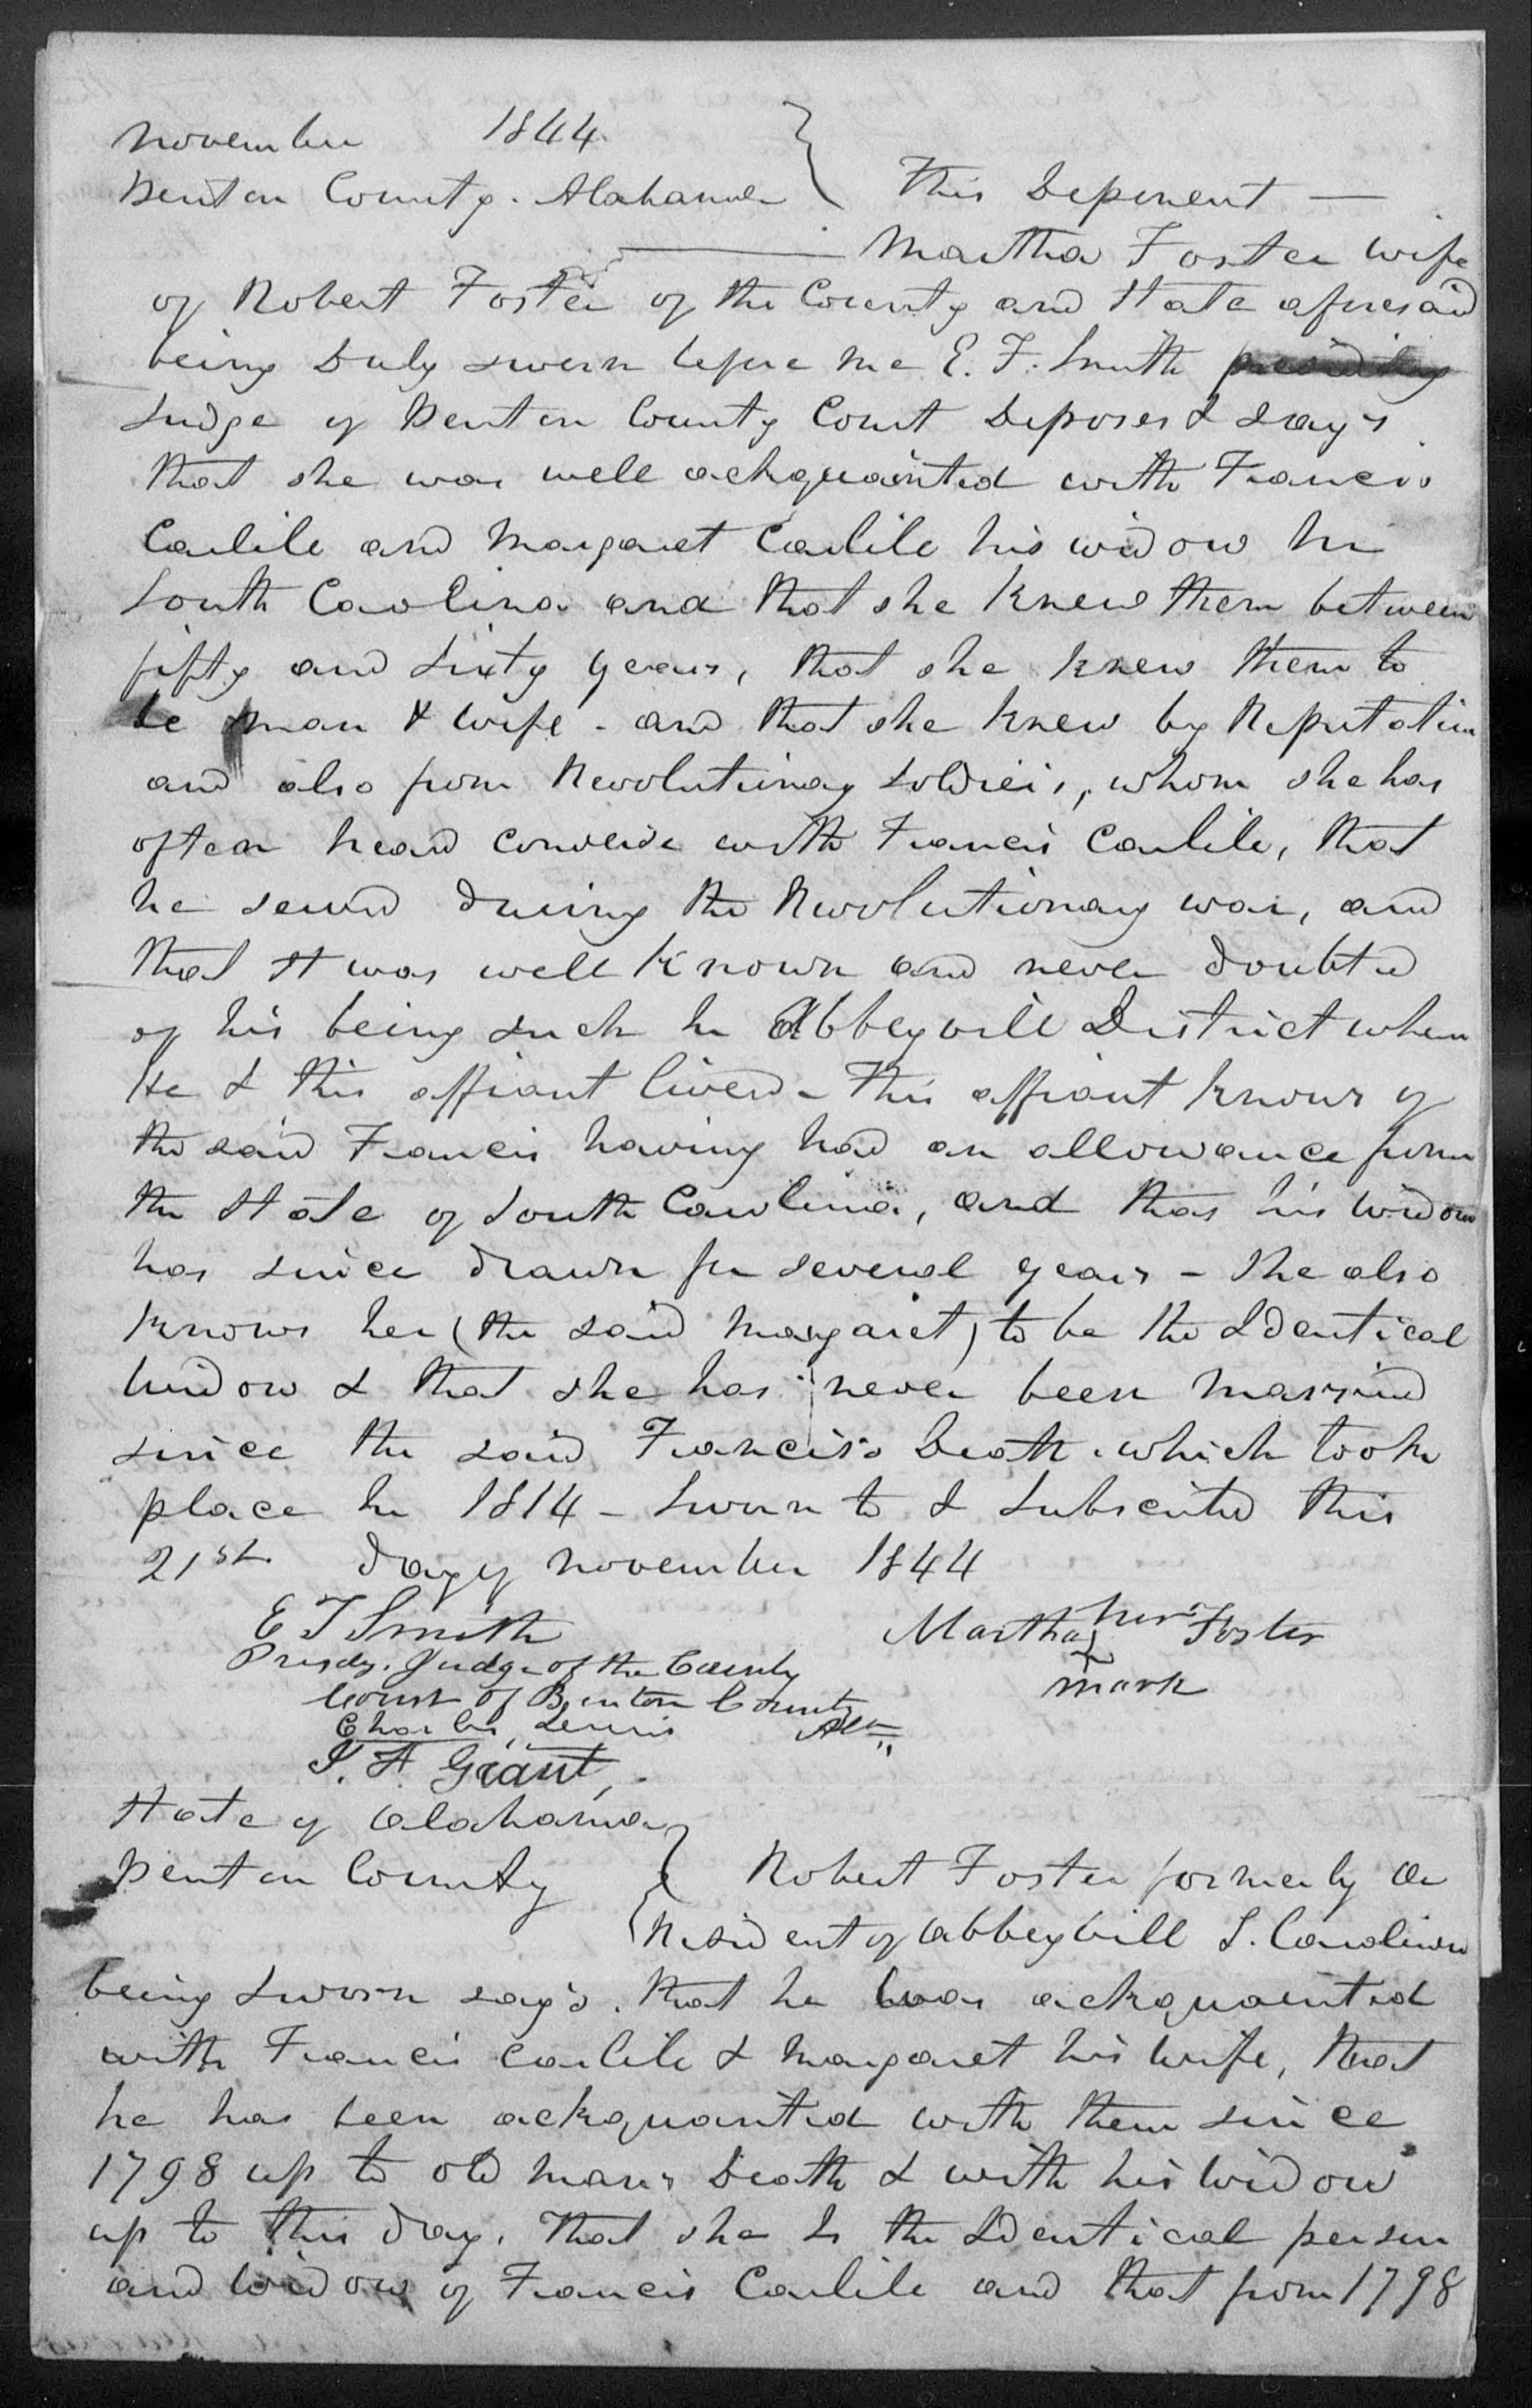November 1844
Benton County, Alabama
this deponent - Martha Foster wife of Robert Foster of the County and State aforesaid being duly sworn before me E. F. Smith Judge of Benton County Court deposes & says that she was well acquainted with Francis Carlisle and Margaret Carlisle his widow in South Carolina and that she knew them between fifty and sixty years, that she knew them to be man & wife, and that she knew by reputation and also from Revolutionary soldiers, whom she has often heard converse with Francis Carlisle, that he served during the Revolutionary war, and that it was well known and never doubted of his being such he Abbeville district where He & this affiant lived - this affiant knows of
the said Francis having had an allowance from the State of South Carolina, and that his widow
has since drawn for several years. He also knows her (the said Margaret) to be the Identical widow & that she has never been married since the said Francis's Death which took place he 1814- Sworn to & subscribed this 21st day November 1844
[signed] Martha X Foster her mark
E.T. Smith
Pres, Judge of the County  Court of Benton County Ala
Charles Lewis
J. A. Grant

State of Alabama
Benton County
Robert Foster formerly a resident of Abbeville S. Carolina being sworn says that he was acquainted with Francis Carlisle & Margaret his wife, that he has been acquainted with them since 1798 up to old mans death & with his widow up to this day, that she is the Identical person and widow of Francis Carlisle and that from 1798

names: Francis Carlile, Margaret, E F Smith, E T Smith, Charles Lewis, Martha Foster, Martha Foster, Francis Carlile, Margaret Carlile, Francis Carlile, Robert Foster, J H Grant, Margaret Carlile, Francis Carlile, Robert Foster, Francis, Francis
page: 73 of 91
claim: widow's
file: W. 10576, Francis Carlisle, S.C.